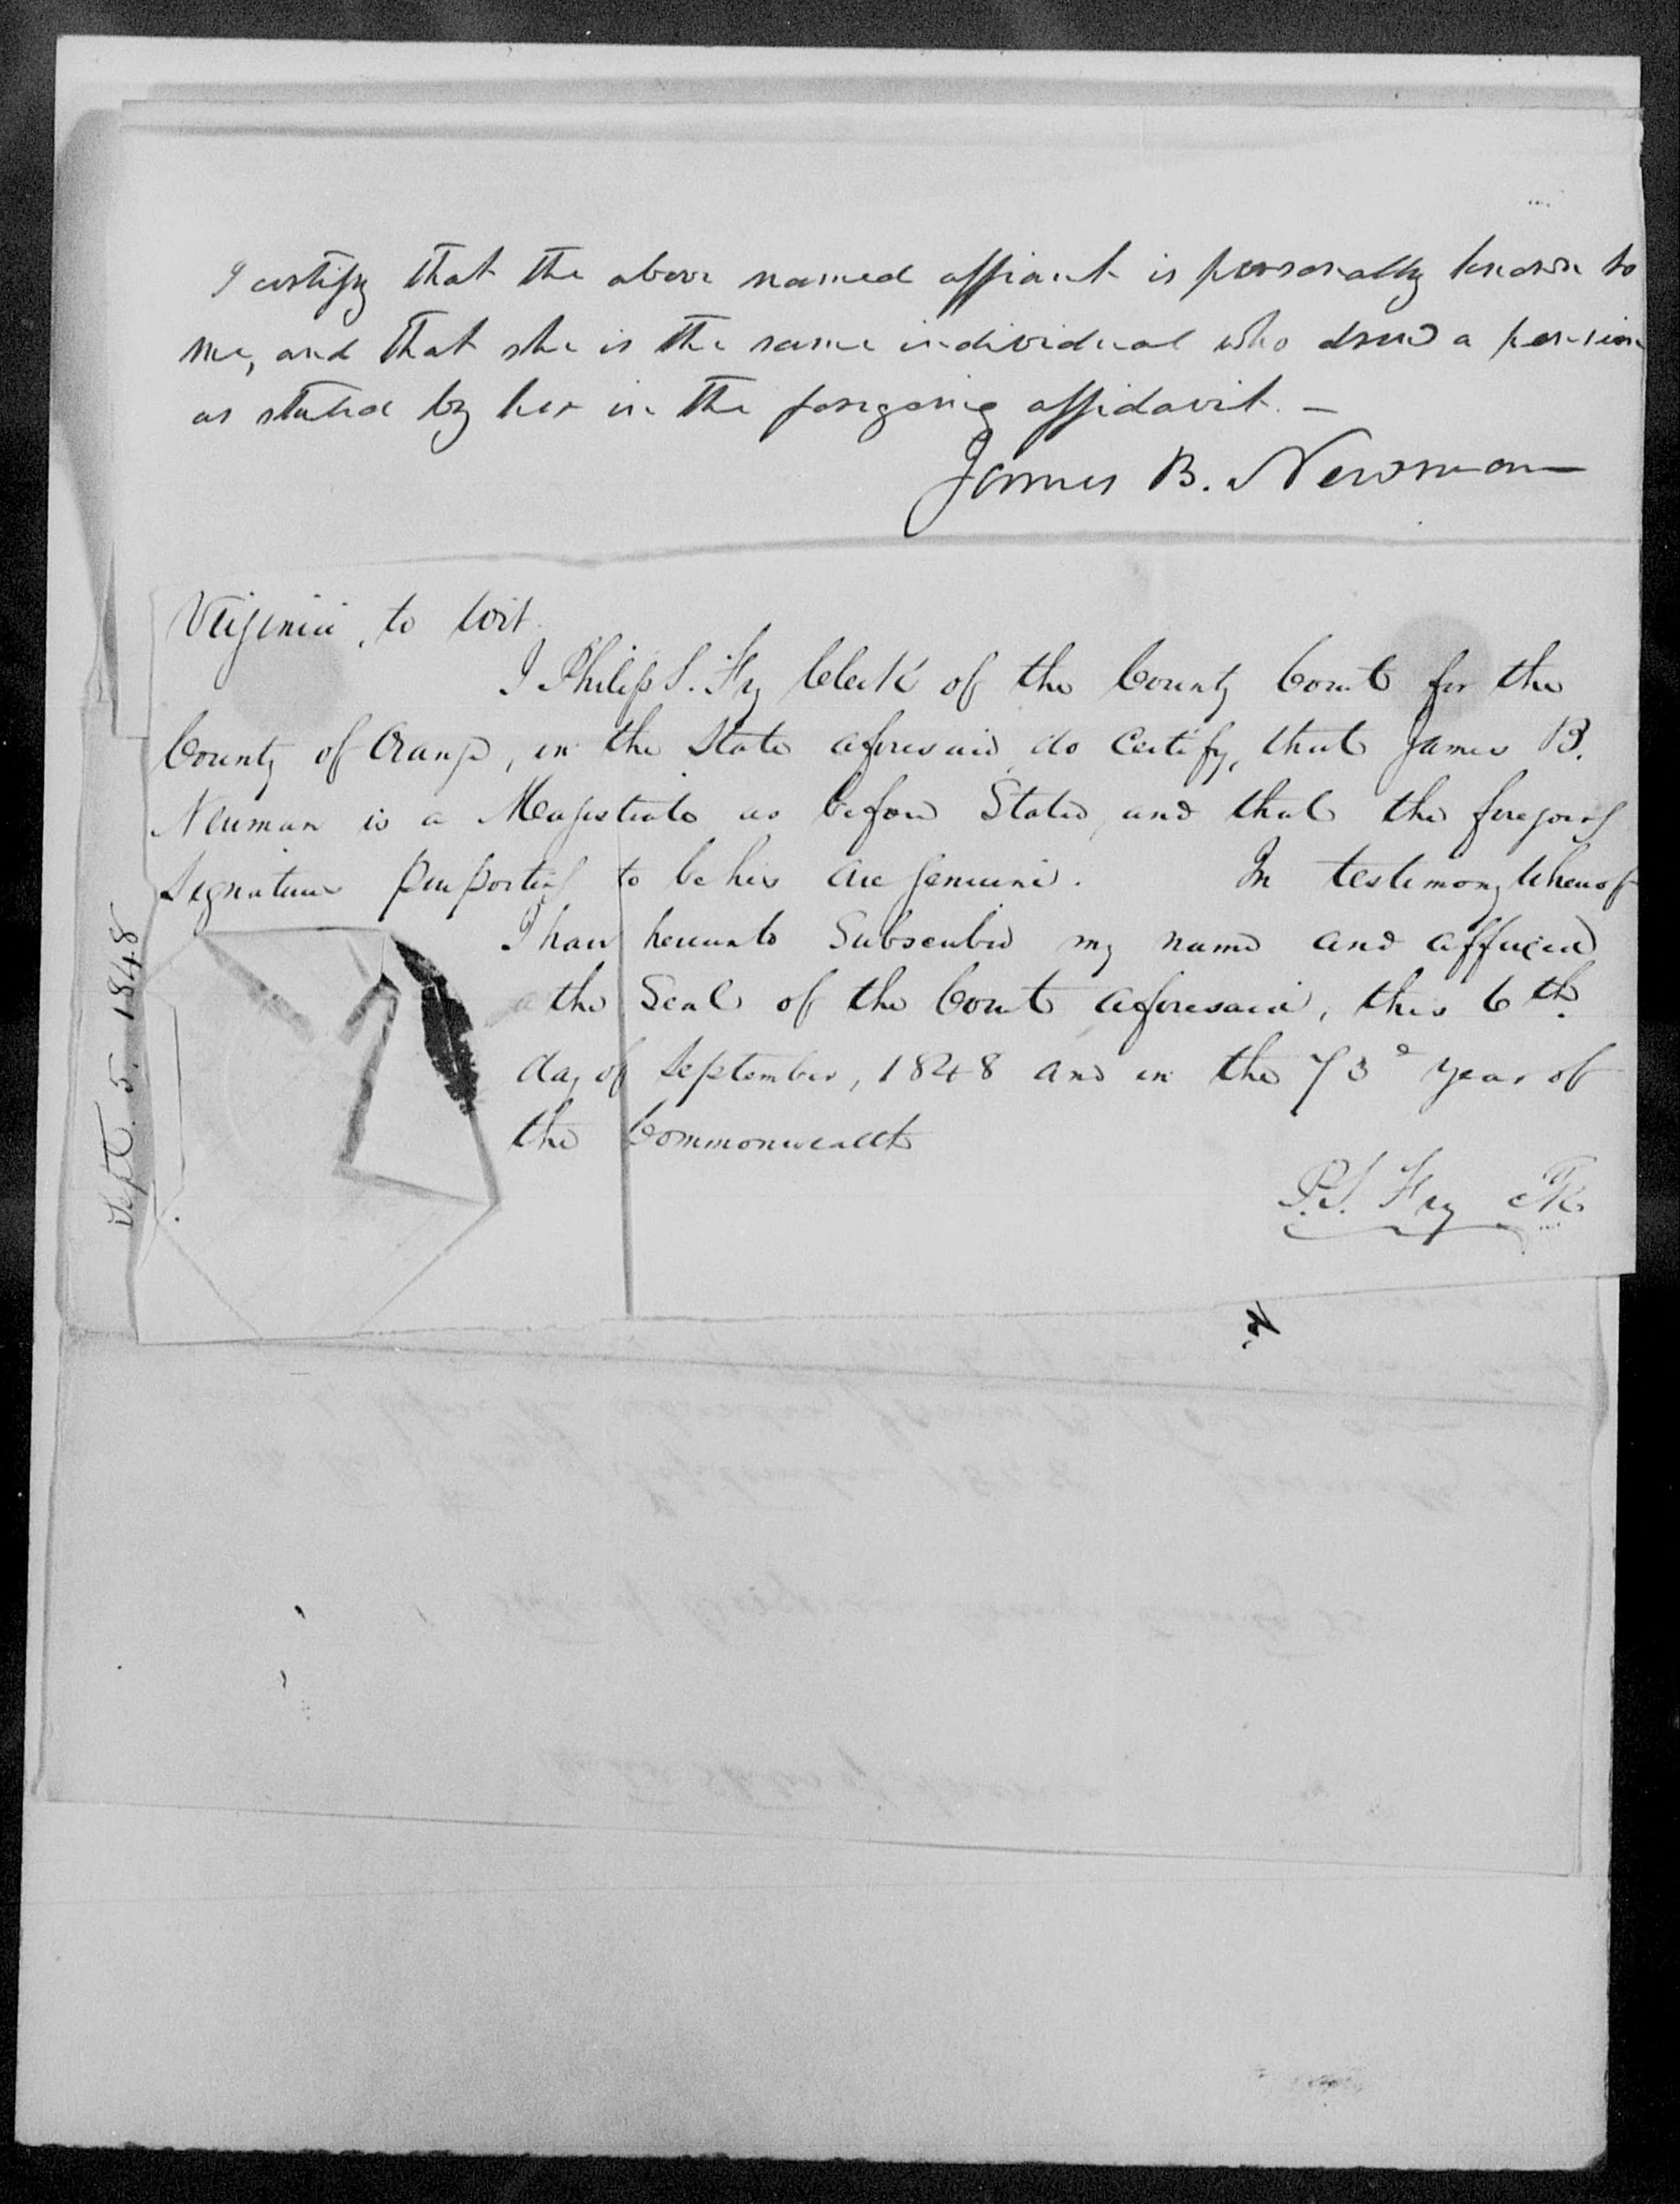I certify that the above named affiant is personally known to me, and that she is the same individual who drew a pension as stated by her in the foregoing affadavit. - 
James B. Newman

Virginia to [illegible]
      I Philip S. Fry  Clerk of the County Court for the County of Orange, in the State aforesaid do certify that James B. Newman is a Magistrate as before stated and that the foregoing Signatures purported to be hers are genuine.  I now  hereunto subscribe my name and affixed
the Seal of the Court aforesaid, this 6th day of September, 1848 and in the 73rd. year of the Commonwealth.
P.S. Fry

Sept. 5, 1848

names: Philip S Fry, James B Newman, James B Newman, P S Fry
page: 207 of 267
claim: widow's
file: W. 4,149, William Campbell, Va.